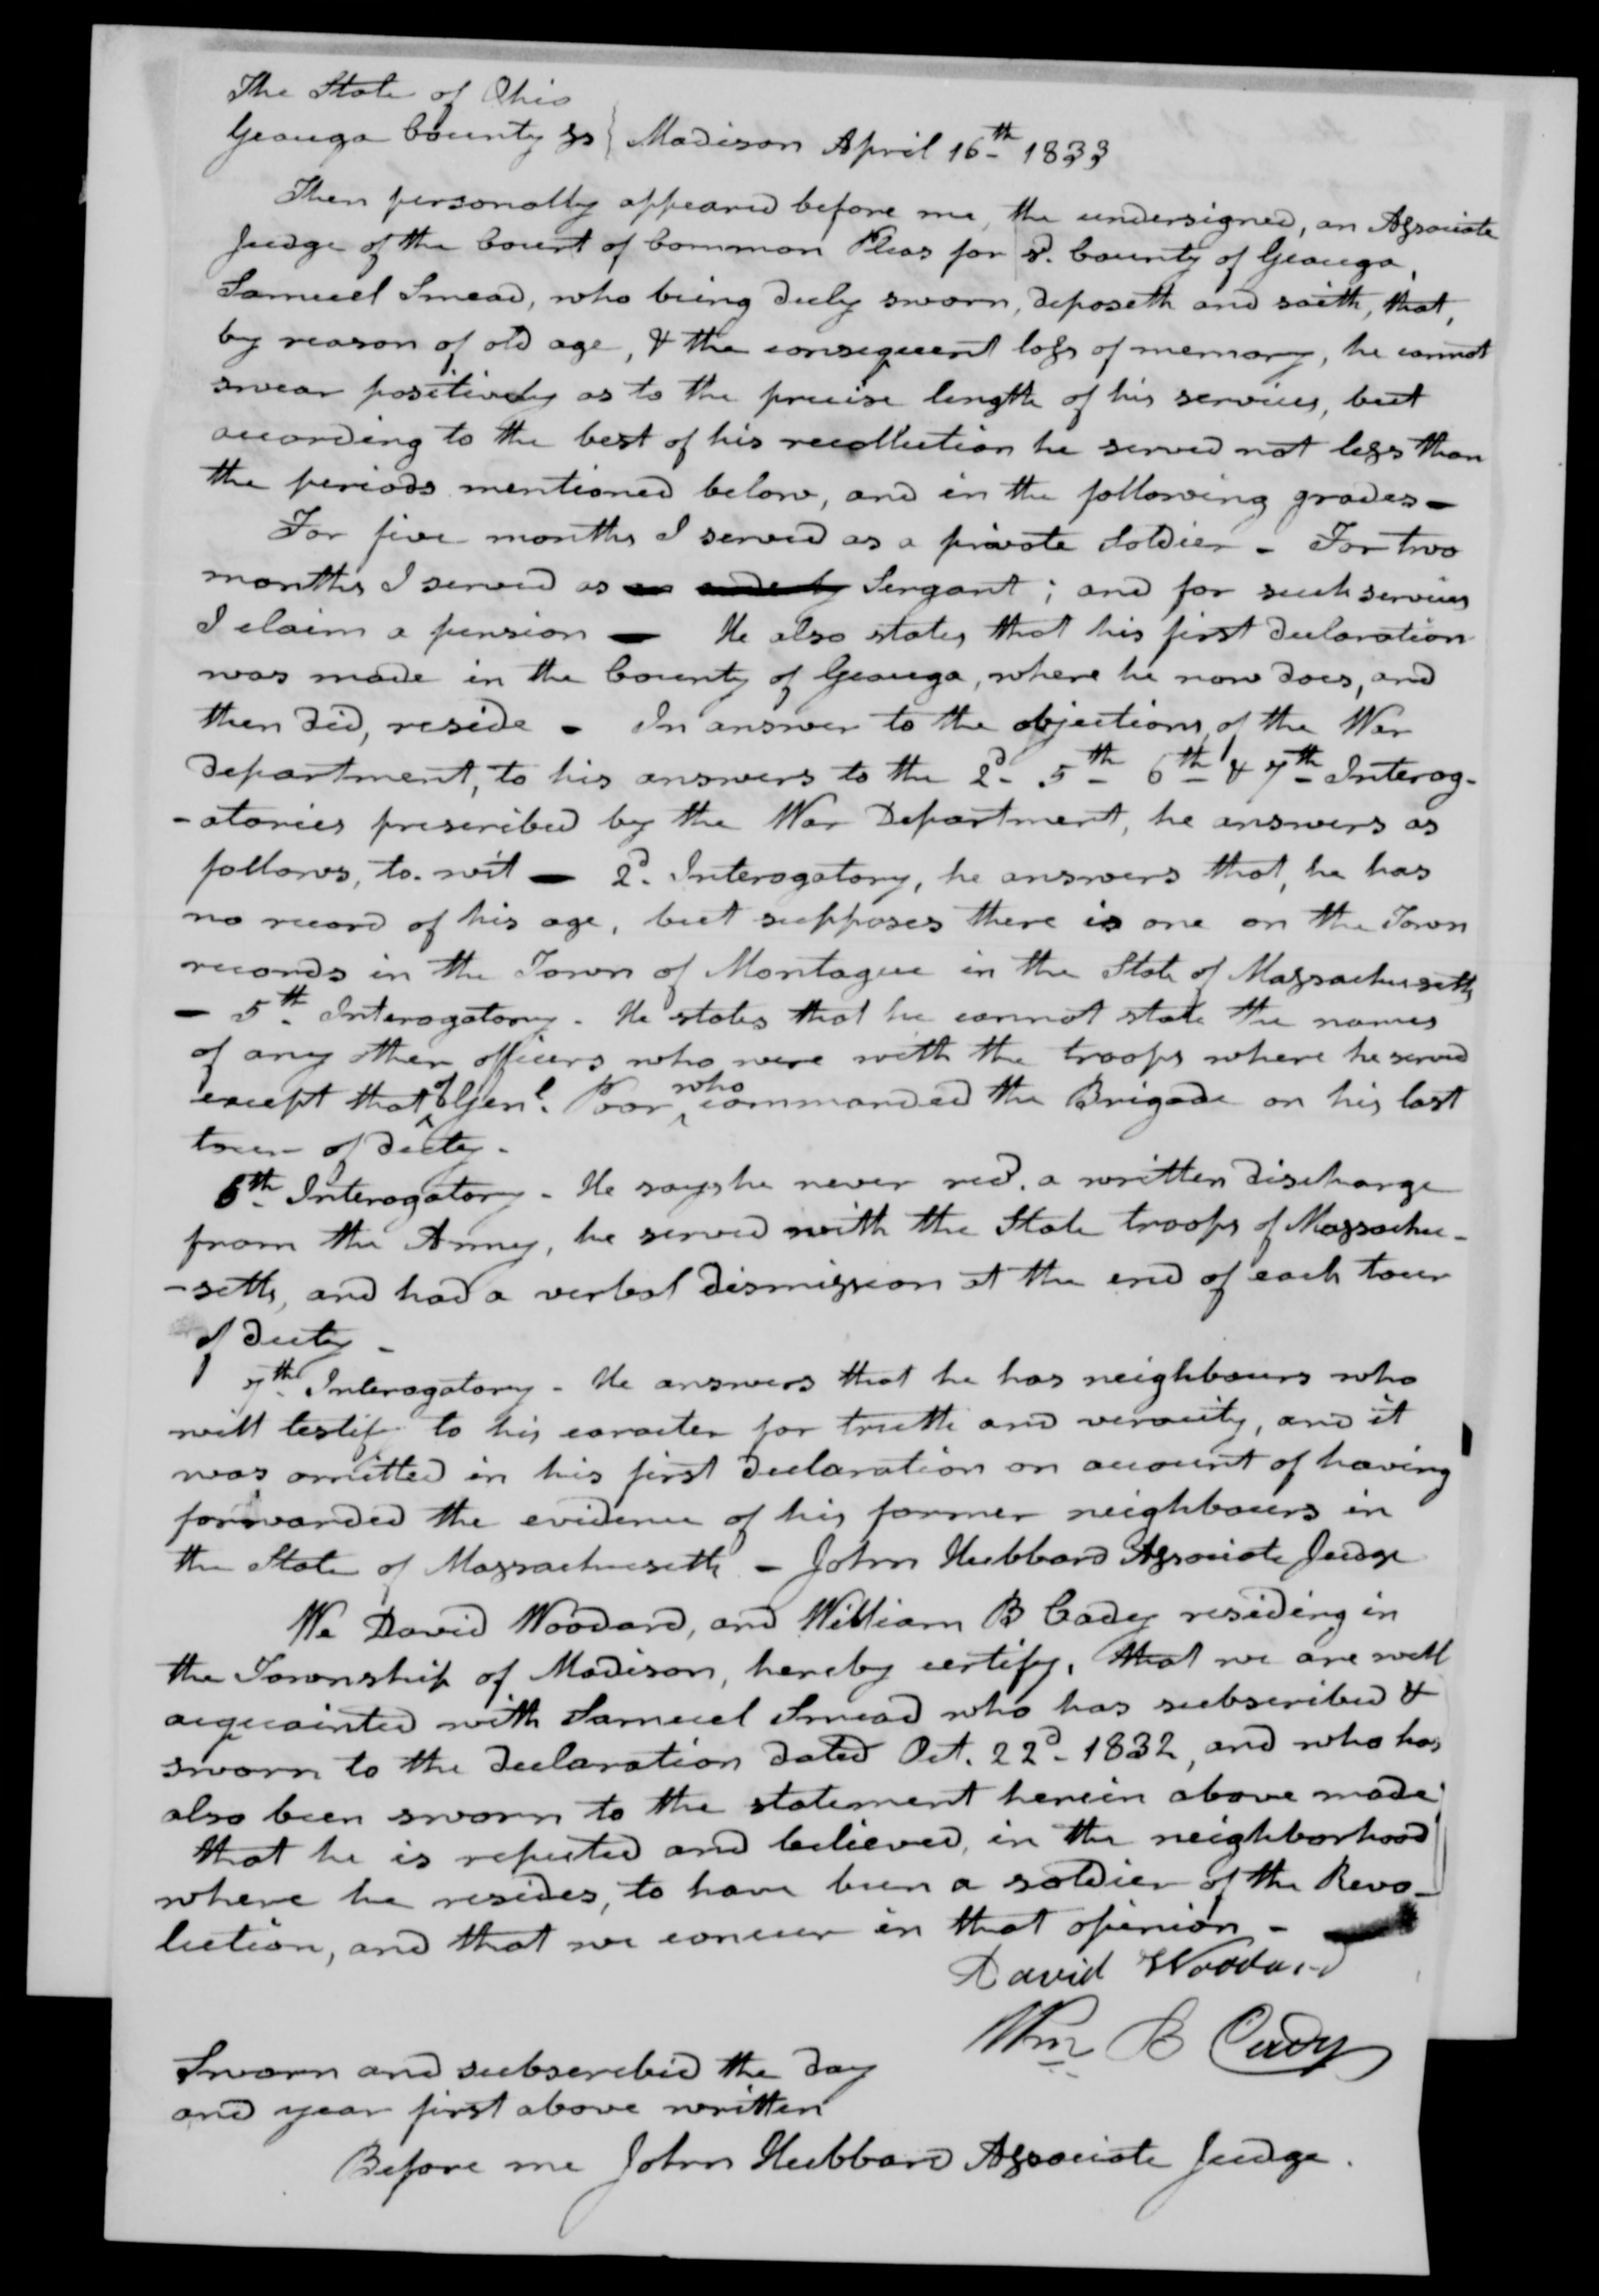The State of Ohio
Geauga County Ss  Madison April 16th 1833

Then personally appeared before me the undersigned, an Associate Judge of the Court of Common Pleas for sd. County of Geauga, Samuel Smead, who being duly sworn, deposeth and saith, that, by reason of old age, & the consequent loss of memory, he cannot swear positively as to the precise length of his services, but according to the best of his recollection he served not less than the periods mentioned below, and in the following grades - 
For five months I served as a private Soldier - For two months I served as [ILLEGIBLE CROSS OUT] Sergant [SIC]; and for such services I claim a pension -  He also states that his first declaration was made in the County of Geauga, where he now does, and then did, reside -  In answer to objections of the War Department, to his answers to the 2d - 5th - 6th - & 7th Interogatories [SIC] prescribed by the War Department, he answers as follows, to wit - 2d Interogatory [SIC], he answers that, he has no record of his age, but supposes there is one on the Town records in the Town of Montague in the State of Massachusetts - 5th Interogatory [SIC] - He states that he cannot state the names of any other officers who were with the troops where he served except that of Gen ? Poor who commanded the Brigade on his last tour of duty.  6th Interogatory [SIC] - He says he never recd a written discharge from the Army, he served with the State troops of Massachusetts, and had a verbal dismission at the end of each tour of duty.  7th Interogatory [SIC] - He answers that he has neighbours [SIC] who will testify to his caracter [SIC] for the truth and veracity, and it was omitted in his first declaration on account of having forwarded the evidence of his former neighbours [SIC] in the State of Massachusetts - John Hubbard Associate Judge

 We David Woodard, and William B Cady residing in the Township of Madison, hereby certify, that we are well acquainted with Samuel Smead who has subscribed & sworn to the declaration dated Oct. 22d 1832, and who has also been sworn to the statement herein above made that he is reputed and believed, in the neighborhood where he resides, to have been a soldier of the Revolution, and that we concur in that opinion.
David Woodard
W m B Cady

Sworn and subscribed the day and year first above written
Before me John Hubbard Associate Judge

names: John Hubbard; David Woodard; Samuel Smead; Wm B Cady; William B Cady; David Woodard; Samuel Smead; John Hubbard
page: 5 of 18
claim: survivor's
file: S. 18,605, for Samuel Smead, Massachusetts